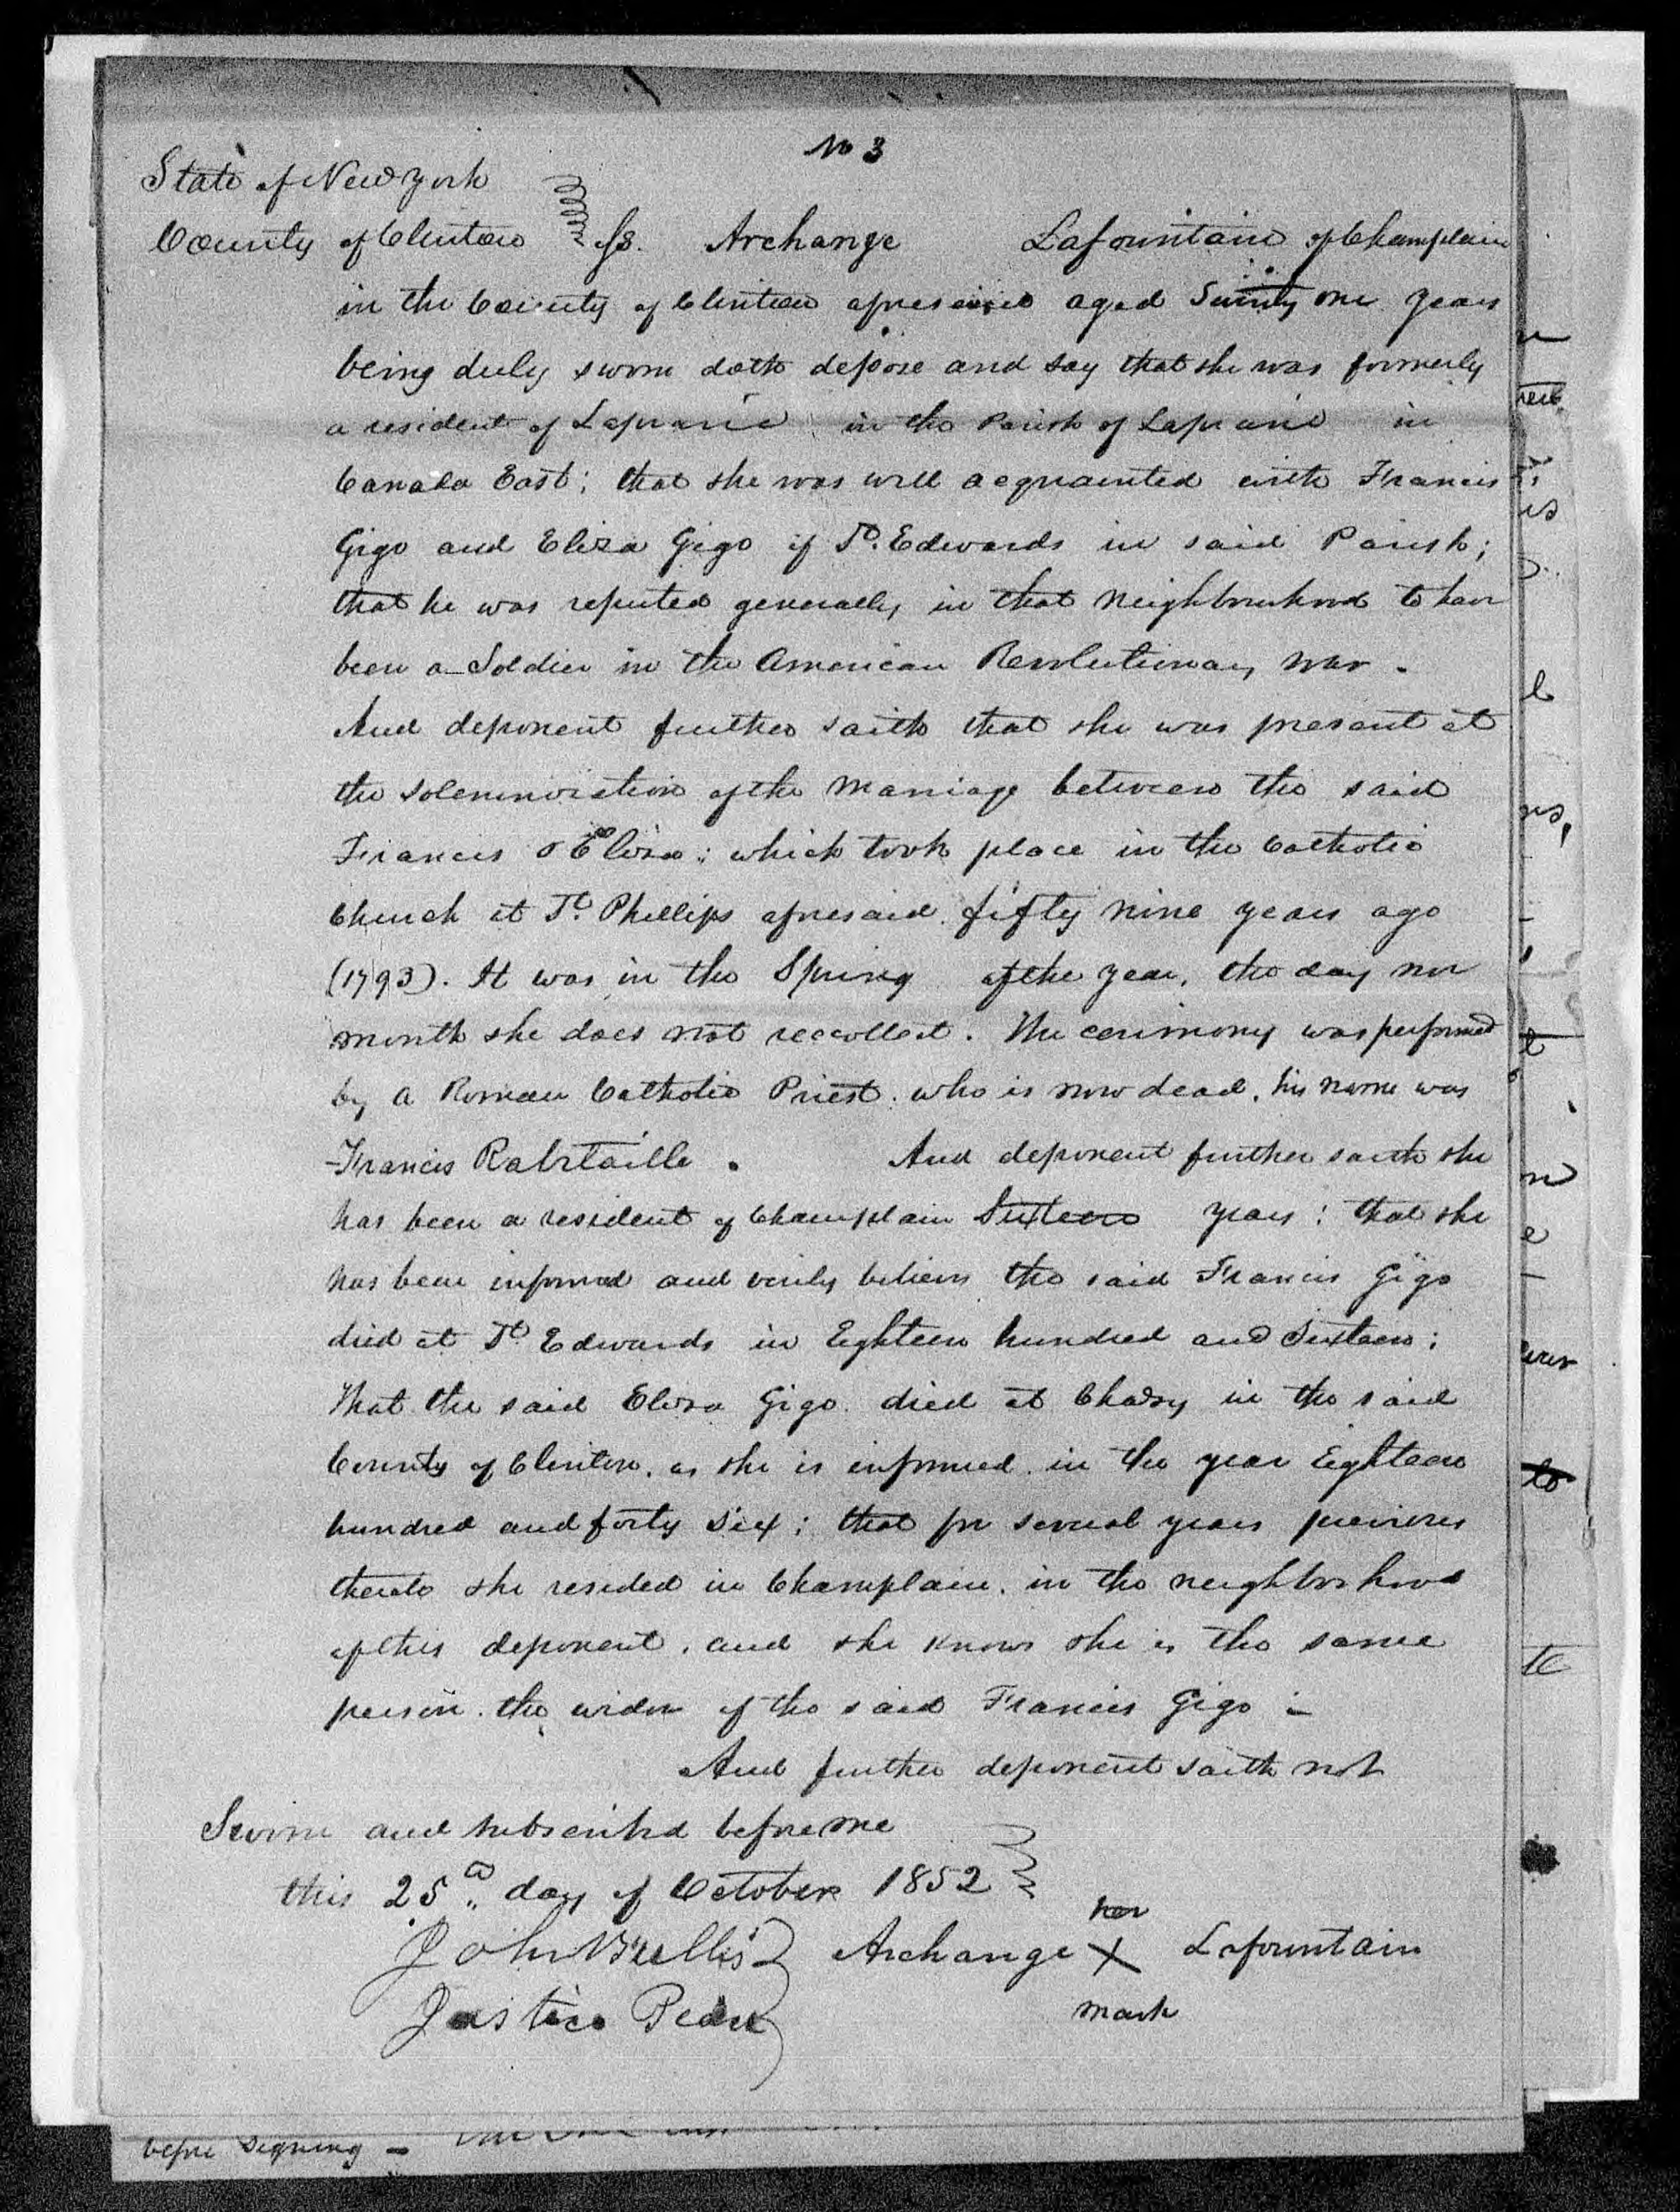State of New York        No. 3
County of Clinton  ss
Archange Lafountain of Champlain in the County of Clinton aforesaid aged Seventy one years a resident of [illegible] in the said Parish of [illegible] in Canada East; that she was well acquainted with Francis and Eliza Gigo of St. Edwards in said Parish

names: Archange Lafountain, Eliza Gigo, Archange Lafountain, Eliza Gigo, John Bullis, Francis, Francis Rabitaille, Francis Gigo, Francis Gigo, Eliza, Francis Gigo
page: 40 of 98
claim: widow's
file: W. 21182, Francis Gigo, Continental (Canadian)